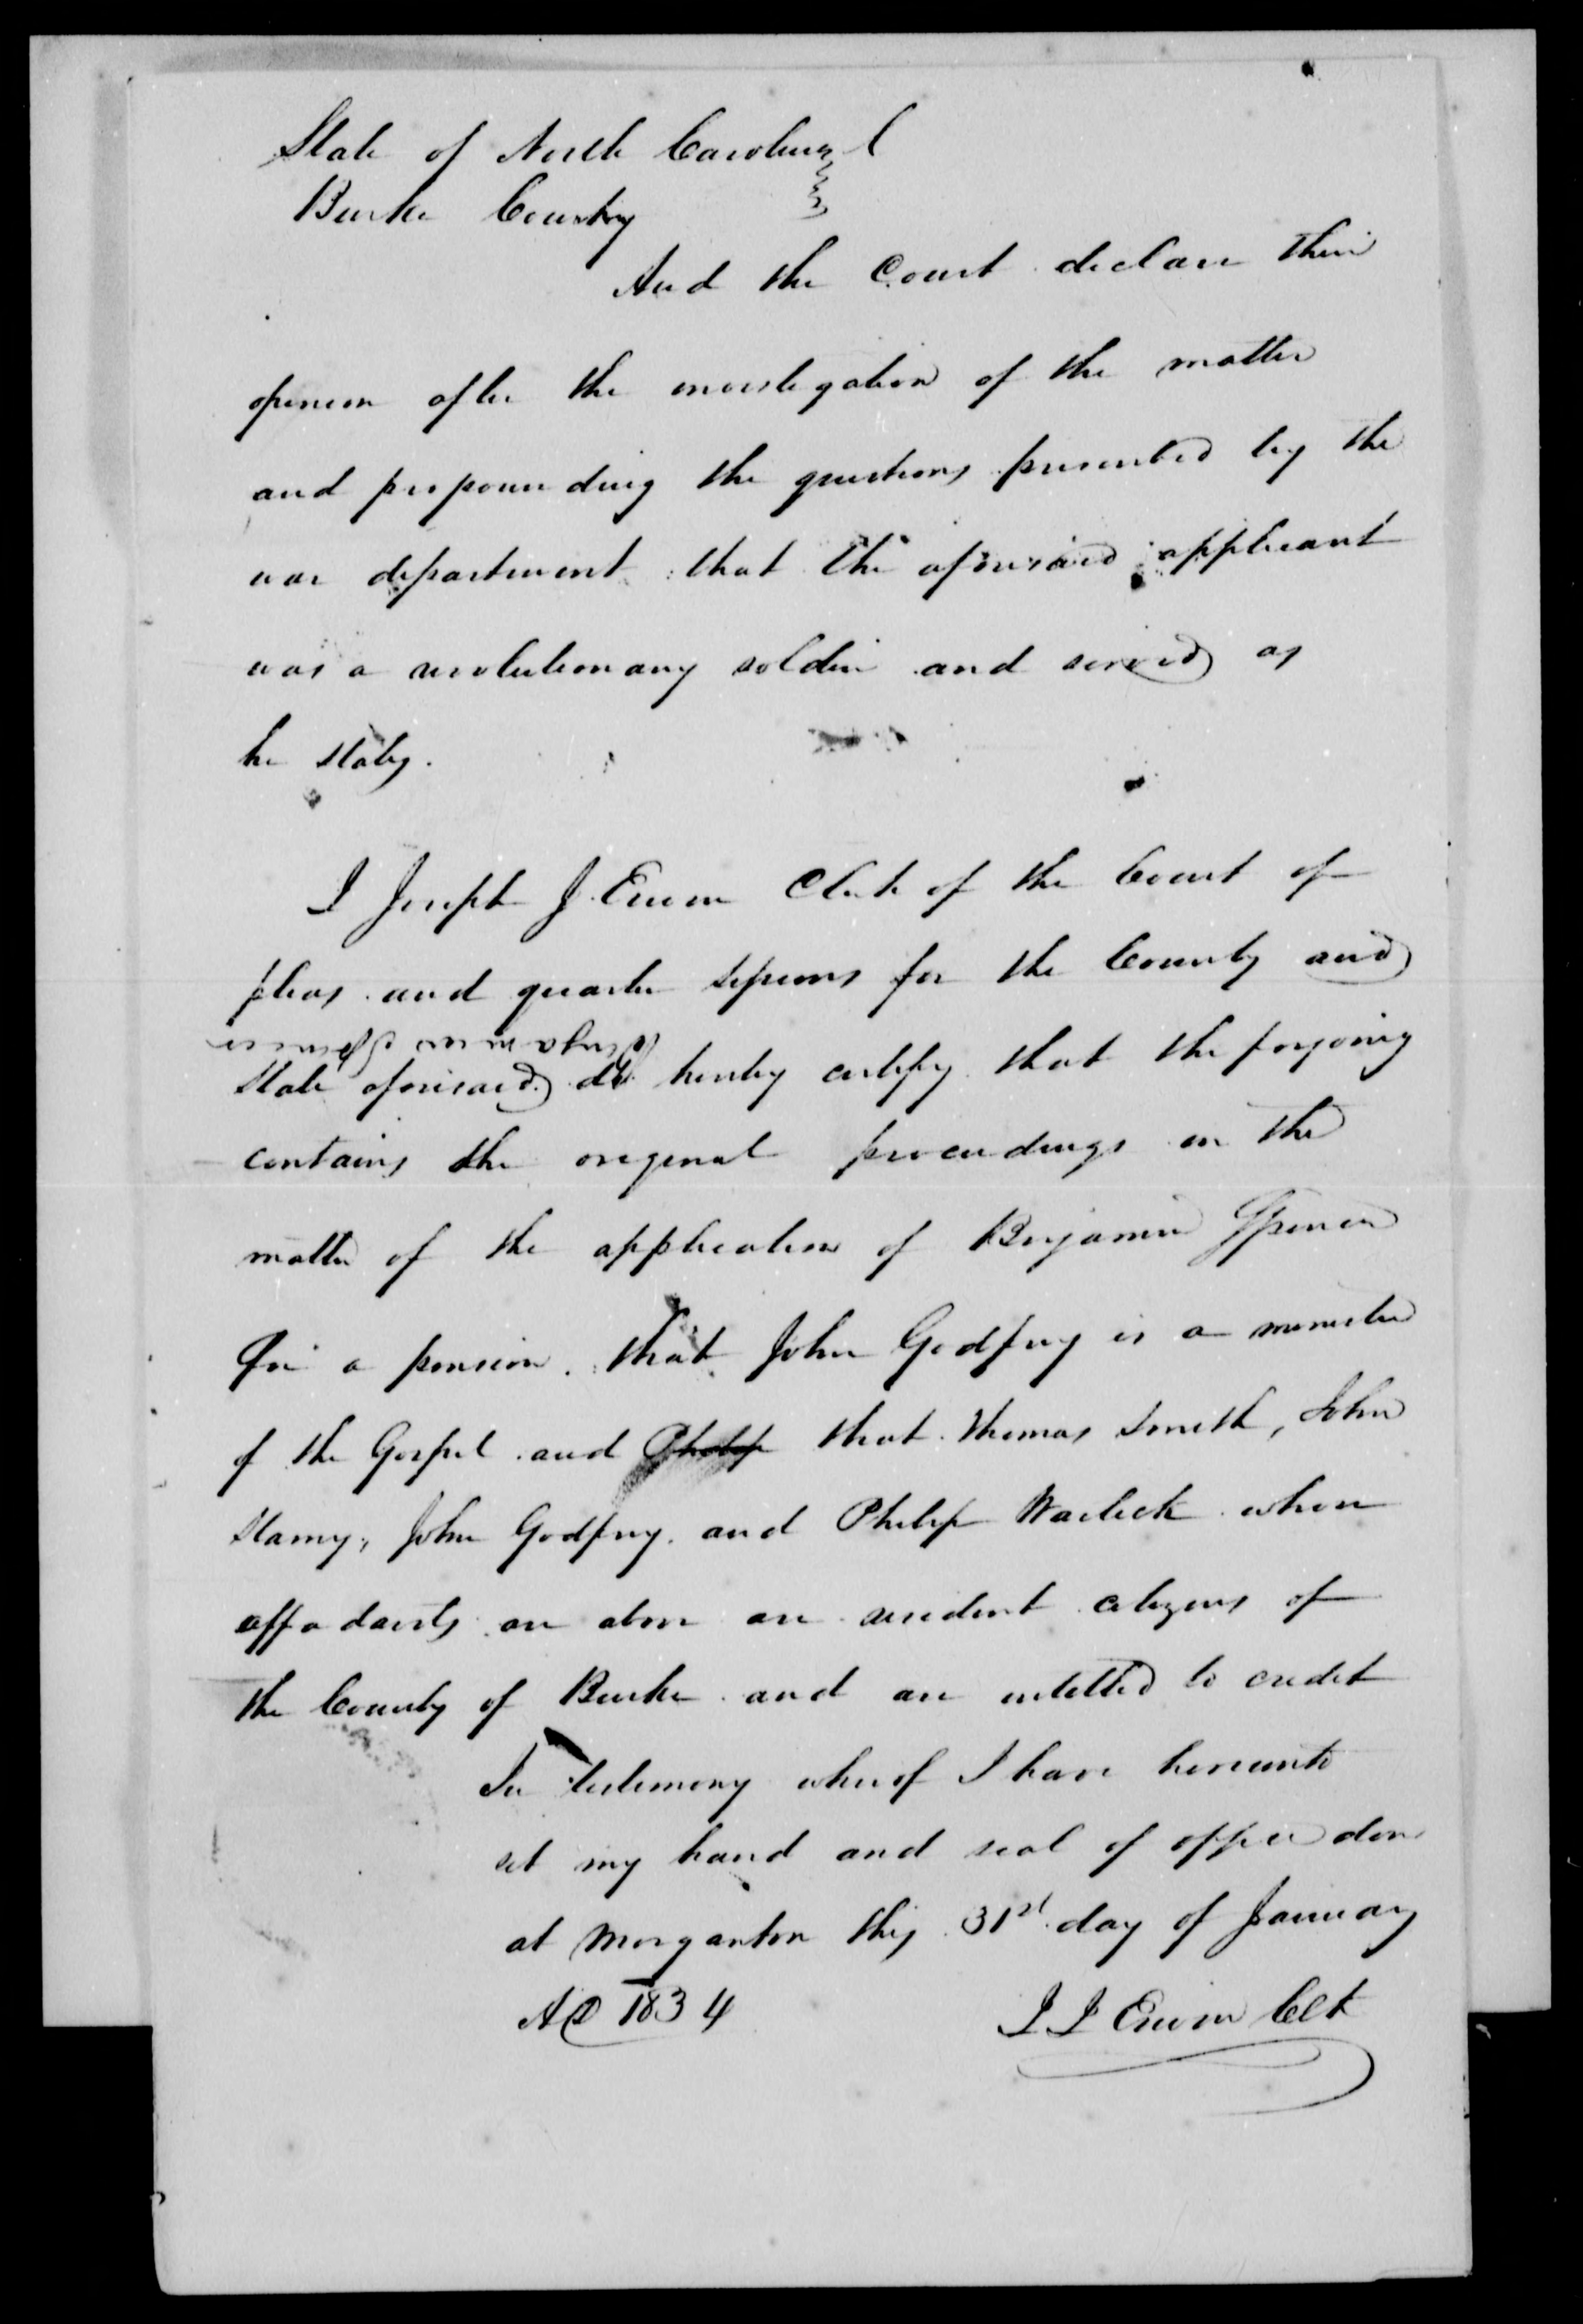State of North Carolina
Burke County
And the Court declares their
opinion after the investigation of the matter
and propounding the questions presented by the
war department that the aforesaid applicant
was a revolutionary soldier and served as
he states.
I Joseph J. Erwin Clerk of the Court of
pleas and quarter Sessions for the County and
state aforesaid do hereby certify that the forgoing contains the original proceedings in the
matter of the application of Benjamin Spencer
for a pension that John Godfrey is a minister
of the Gospel and that Thomas Smith, John
Slaney, John Godfrey and Philip Warlick whose
affidavits on above are resident citizens of
the County of Burke and are entitled to credit
In testimony whereof I have hereunto
at my hand and seal of office done
at Morganton this 31st day of January
AD 1834
J J Erwin Clk

[upside down mid text]
Benjamin Spencer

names: Thomas Smith; Joseph Erwin; John Godfrey; John Stamy; Benjamin Spencer; John Godfrey; Philip Warlick; J J Erwin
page: 12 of 63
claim: widow's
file: W. 6158, for Benjamin Spencer, North Carolina